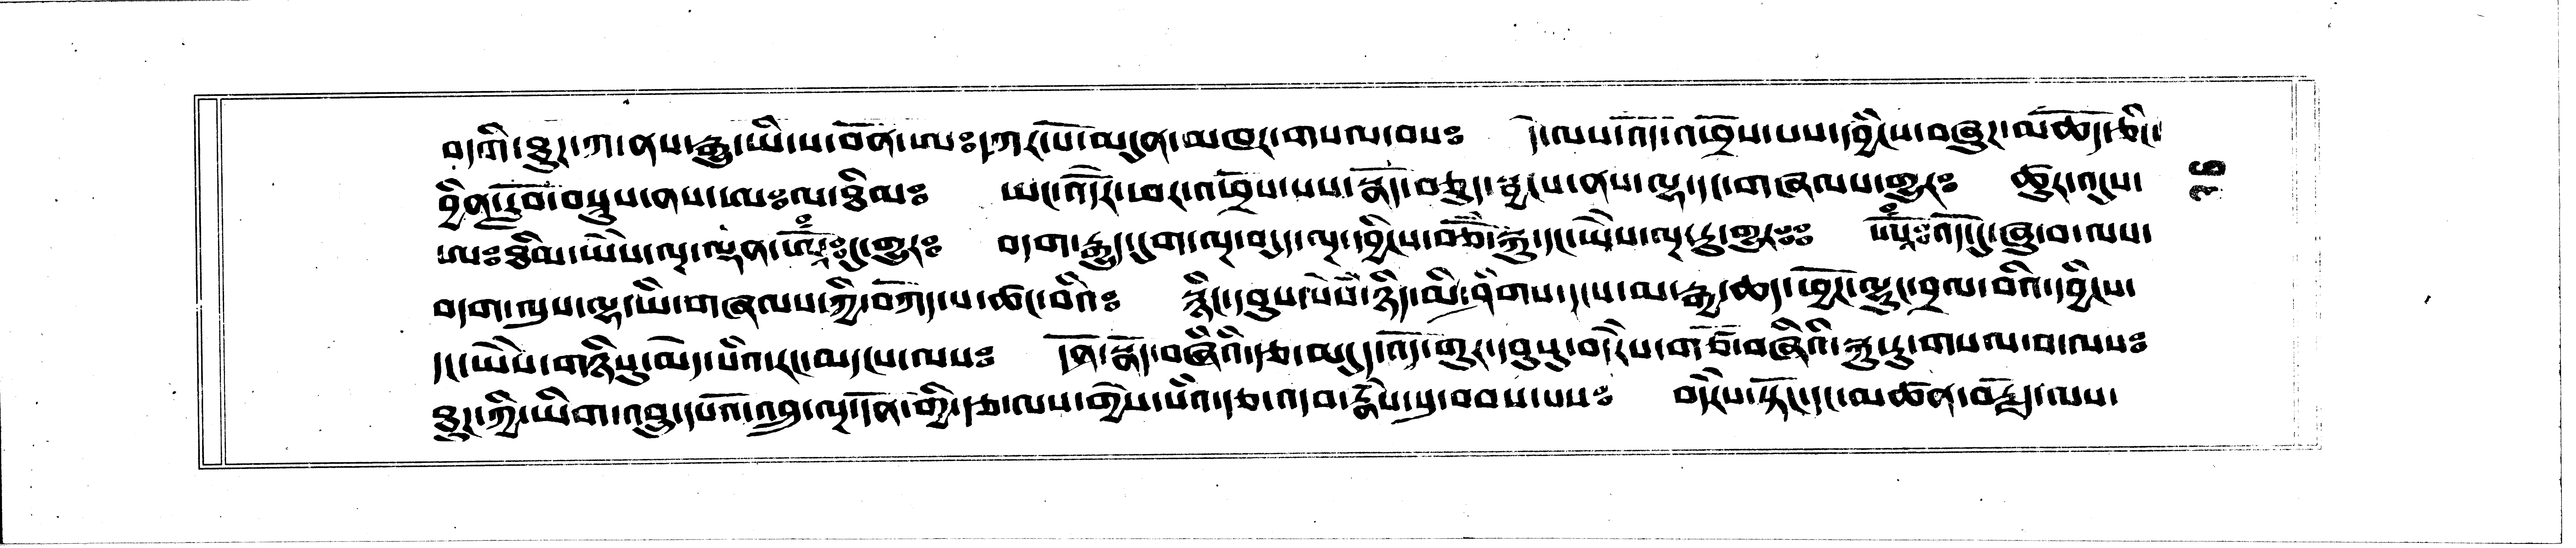བདག་གི་ཐུགས་ཀ་ནས་རྒྱུ་ཡི་ས་བོན་ཨ་དཀར་པོ་མདུན་མཁར་གསལ་བསཿ དེ་ལས་འོད་འཕྲོས་པས་དབྱིངས་བཞུགས་མཆོད་ཅིང་
བྱིན་རླབས་བསྡུས་ནས་ཨ་ལ་ཐིམཿ ཡང་ཕར་འཕྲོས་པས་ལྷ་དང་གཞལ་ཡས་སུ་གྱུརཿ ཚུར་འདུས་
ཨ་ལ་ཐིམཿ ཡང་འོད་ཟེར་ཕར་འཕྲོས་པས་སྣོད་བཅུད་སྦྱངས་ནས་ལྷ་དང་གཞལ་ཡས་སུ་གྱུརཿ ཚུར་འདུས་ཨ་ལ་ཐིམ་པས་ཡེ་ཤེས་ལྔ་ལྡན་གྱི་ཨཱོྃཿདུ་གྱུརཿ བདག་རྒྱུད་དུག་ལྔ་བདུད་ལྔ་དབྱིངས་བཅོམ་སྐུ་དང་ཡེ་ཤེས་ལྔ་རུ་གྱུརཿ ཨཱོྃཿའོད་དུ་ཞུ་བ་ལས་
བདག་ལུས་ལྷ་དང་གཞལ་ཡས་ཀྱི་བཀོད་པ་ཚང་བའིཿ སྙིང་དབུས་སེམས་ཉིད་མི་ཤིགས་དང་མ་རྒྱ་ཆད་ཕྱོགས་ལྷུང་བྲལ་བའི་དབྱིངས་
དང་ཡེ་ཤེས་གཉིས་སུ་མེད་པའི་རང་མདངས་ལསཿ དོན་སྣོད་བཞིའི་རྩ་མདུད་འོད་གུར་དབུས་སུ་བདེར་གཤེགས་གཙོ་བཞིའི་སྐུ་རུ་གསལ་བ་ལསཿ
 ཐུགས་ཀྱི་ཡིག་འབྲུ་དཔའ་བོ་འབྲུ་ལྔ་དོན་གྱི་རྩ་ལས་གྱེས་པའི་རྩ་འདབ་རྣམས་སུ་བབས་པསཿ བདེར་གཤེགས་སྟོང་དང་མཚན་བརྗོད་ལས་